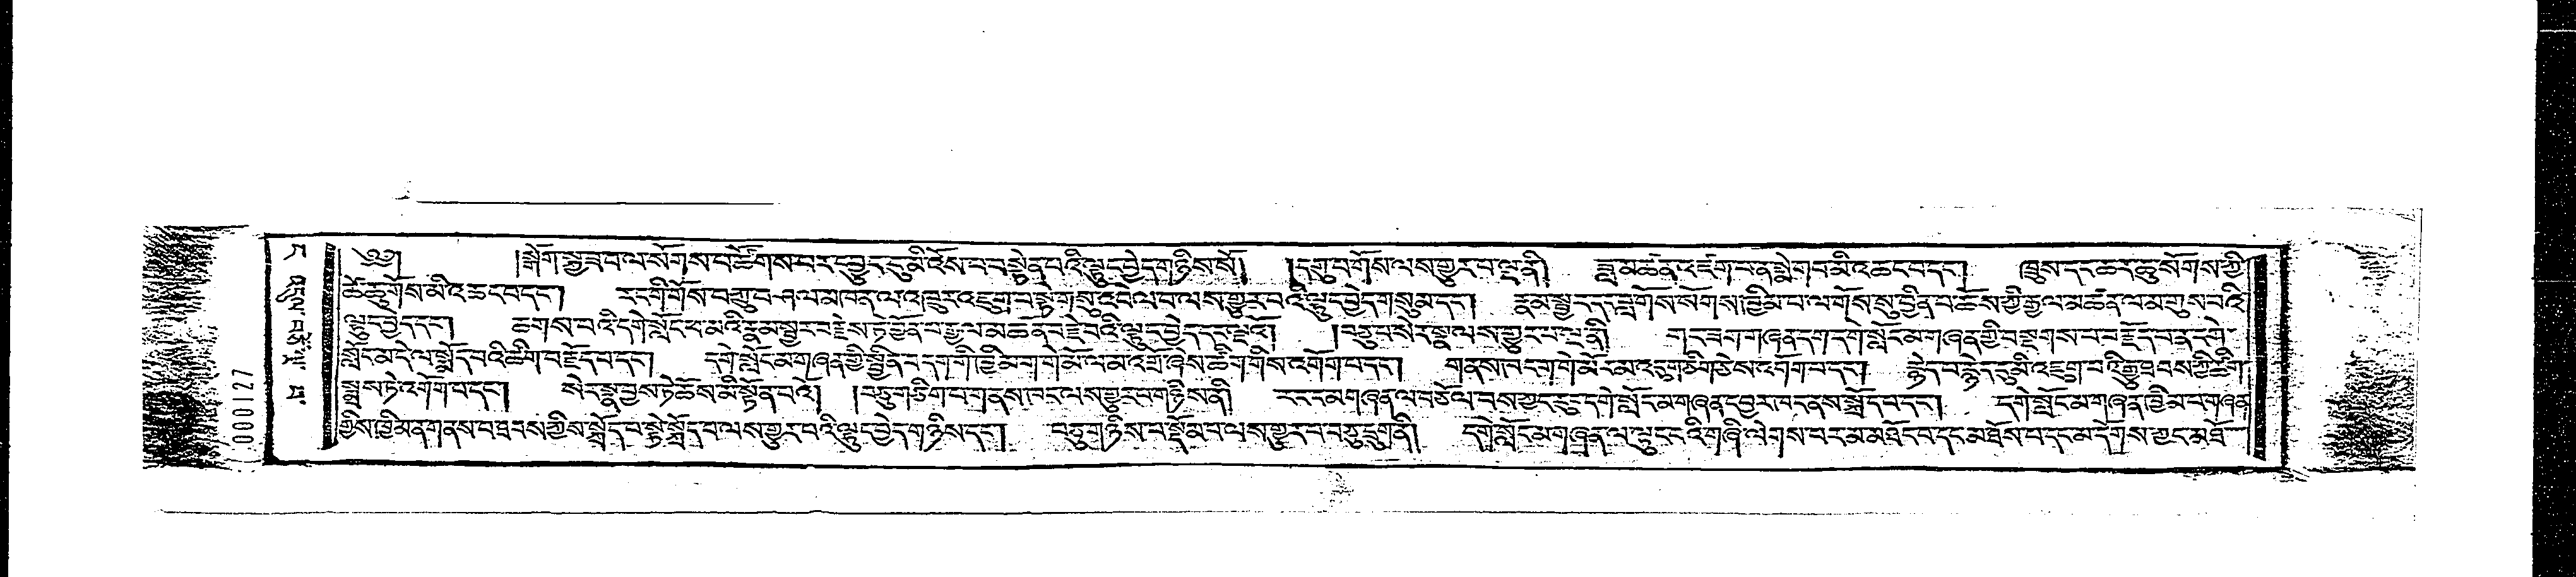༄༅། །སྒོག་སྐྱ་ཟ་བ་ལ་སོགས་པ་ཚོགས་པར་དབྱུང་དུ་མི་འོས་པ་བསྟེན་པའི་ལྟུང་བྱེད་གཉིས་སོ། །དགུ་པ་གོས་ལས་གྱུར་པ་ལྔ་ནི། ཟླ་མཚན་འཛག་པ་ན་སྨེག་པ་མི་འཆང་བ་དང་། ཁྲུས་དང་ཆར་ཆུ་སོགས་ཀྱི་
ཚེ་ཆུ་གོས་མི་འཆང་བ་དང་། རང་གི་གོས་བཀྲུ་བཤལ་མཁན་ལ་འཁུར་འཇུག་པ་སྟེ་གསུ་འབེལ་བ་ལས་གྱུར་པའི་ལྟུང་བྱེད་གསུམ་དང་། རྣམ་སྦྱར་དང་བླ་གོས་སོགས་ཁྱིམ་པ་ལ་གོས་སུ་བྱིན་པ་ཆོས་ཀྱི་རྒྱལ་མཚན་ལ་མ་གུས་པའི་
ལྟུང་བྱེད་དང་། ཆགས་པའི་དགེ་སློང་ཕ་མའི་རྣམ་སྦྱར་བ་རྗེས་ཏེ་བྱོན་པ་རྒྱལ་མཚན་བརྗེ་བའི་ལྟུང་བྱེད་དང་ལྔའོ། །བཅུ་པ་སེར་སྣ་ལས་གྱུར་པ་ལྔ་ནི། གང་ཟག་གཞན་དག་དགེ་སློང་མ་གཞན་གྱི་བསྔགས་པ་བརྗོད་པ་ན་དགེ་
སློང་མ་དེ་ལ་སྨོད་པའི་ཚིག་བརྗོད་པ་དང་། དགེ་སློང་མ་གཞན་གྱི་སྦྱིན་བདག་གི་ཁྱིམ་ག་གེ་མོ་ལ་མ་འགྲོ་ཞེས་ཚིག་གིས་འགོག་པ་དང་། གནས་ཁང་ག་གེ་མོར་མ་འདུག་ཅིག་ཅེས་འགོག་པ་དང་། རྙེད་པ་རྙེད་དུ་མི་འཇུག་པའི་རྒྱུ་ཐབས་ཀྱི་ཚིག་
སྨྲས་ཏེ་འགོག་པ་དང་། སེར་སྣ་བྱས་ཏེ་ཆོས་མི་སྟོན་པའོ། །བཅུ་གཅིག་པ་གནས་ཁང་ལས་གྱུར་པ་གཉིས་ནི། རང་ངམ་གཞན་ལ་བཅོལ་བས་ཀྱང་རུང་དགེ་སློང་མ་གཞན་དབྱར་ཁང་ནས་སྐྲོད་པ་དང་། དགེ་སློང་མ་གཞན་ཁྱིམ་པ་གཞན་
གྱིས་ཁྱིམ་ན་གནས་པ་ཐབས་ཀྱིས་སྐྲོད་པ་སྟེ་སྐྲོད་པ་ལས་གྱུར་པའི་ལྟུང་བྱེད་གཉིས་དང་། བཅུ་གཉིས་པ་སྡོམ་པ་ལས་གྱུར་པ་བཅུ་དྲུག་ནི། དགེ་སློང་མ་གཞན་ལ་ལྟུང་བའི་གཞི་ལེགས་པར་མ་མཐོང་བ་དང་མ་ཐོས་པ་དང་མ་དོགས་ཀྱང་མཐོ་